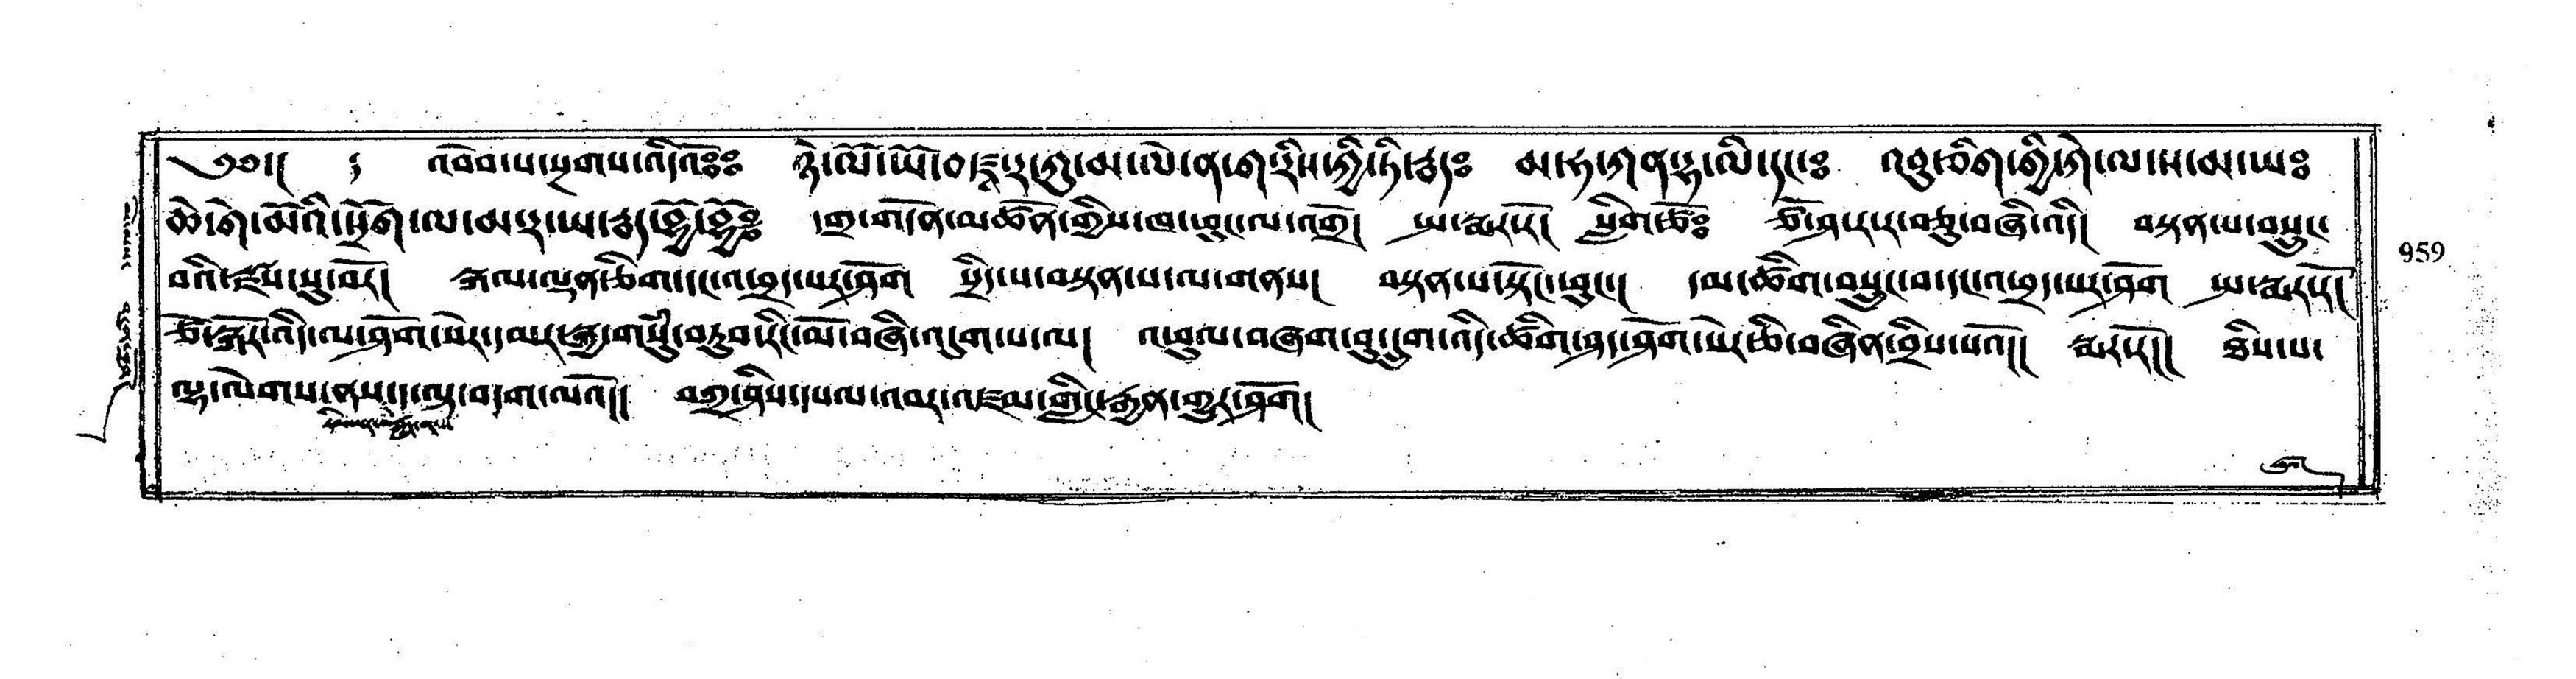འབེབ་པ་སྔགས་འདིའོ༔༔ ཉེ་ལོ་ཡོ་བཛྲ་ར་ཀུ་མ་ལེ་ན་ག་རིས་ཀྱི་ཏི་རྦདཿ མ་ཧ་ཀན་དྷ་ལི་དང་༔ འབུ་ཅིག་གྱི་ཀེ་ལ་ས་མ་ཡཿ 
ཆེ་གེ་མོའི་སྲོག་ལ་མ་ར་ཡ་རྦད་བྷྱོ་བྷྱོ༔ དགྲ་གདོན་མཚོན་གྱིས་ཁ་ཕུང་ལ་འགྲོ། སྤ་སྨར་རོ། སླིག་ཙོཿ ཙོ་ཤ་ར་ར་བཅུ་བཞི་འདི། བསྟན་པ་བསྲུང་
བའི་རྫས་སུ་བོར། སྐལ་ལྡན་ཅིག་དང་འཕྲད་པར་ཤོག སྲིད་པ་བསྟན་པ་ལ་གནས། བསྟན་པ་སྟོང་ཕུང་། དམ་ཚིག་བསྲུང་བ་དང་འཕྲད་པར་ཤོག སྤ་སྨར་རོ། 
ཙོ་སྐོར་འདི་ལ་ཤོག་སེར་དམར་སྐྱ་གསུམ་བཏུབ་(སྟེབ)རིང་མོ་བཞི་འདུག་པ་ལ། འཕུལ་བཞག་བུ་དྲུག་འདི་ཚིག་ཤད་ཤོག་སེར་ཅི་བཞིན་བྲིས་པའོ།། སྨར་རོ།། ཐིས་པ་
ལྷ་ལེགས་ནས་རིམ་པར་བརྒྱུད་ནས་ད་ལྟ་བདག་ལའོ།། བཀྲ་ཤིས་དཔལ་འབར་འཛམ་གླིང་རྒྱན་གྱུར་ཤོག